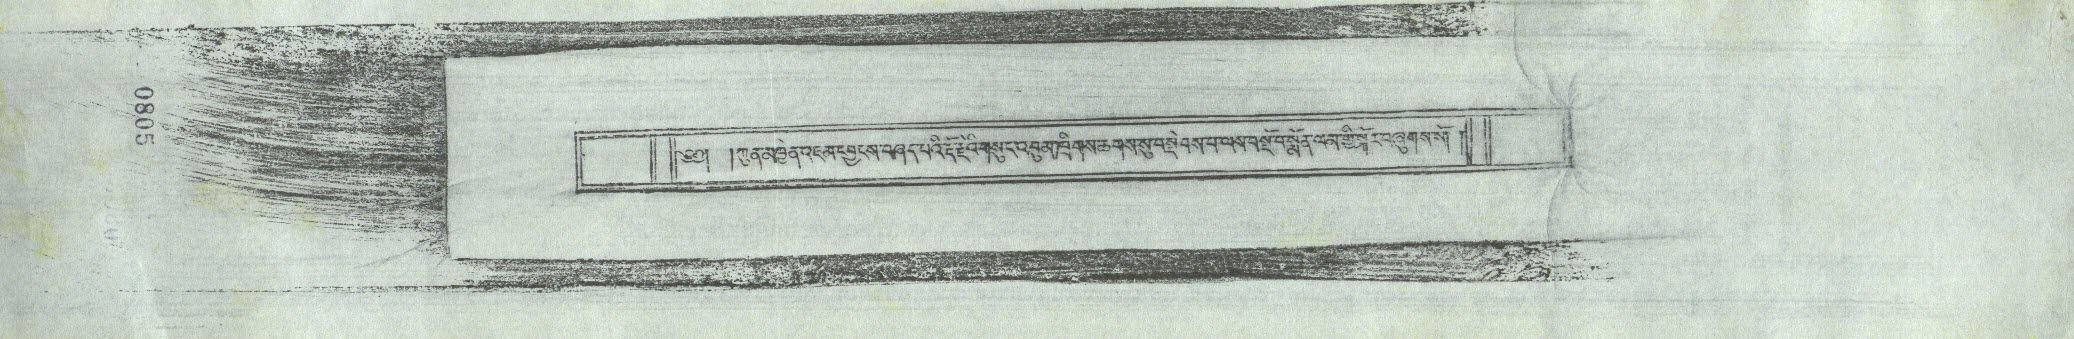༄༅། །ཀུན་མཁྱེན་འཇམ་དབྱངས་དབྱང་པའི་རྡོ་རྗེའི་གསུངས་འབུམ་ཁྲིགས་ཆགས་སུ་བསྡེབས་པ་ལས་བསྔོ་བ་སྨོན་ལམ་གྱི་སྐོར་བཞུགས་སོ། །